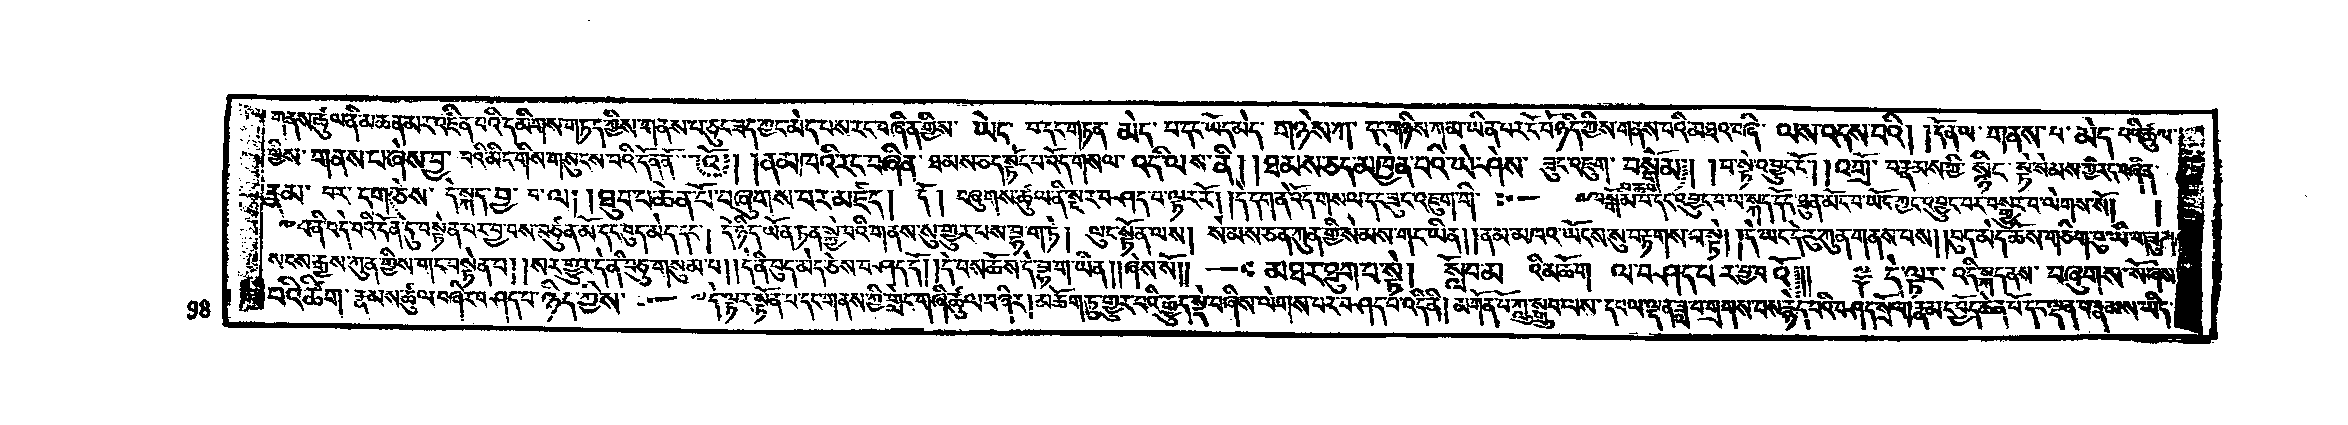གནས་ཚུལ་ནི་མཚན་མནར་འཛིན་པའི་དམིགས་གཏད་ཀྱིས་གནས་པ་ཅུང་ཟད་ཀྱང་མེད་པས་རང་བཞིན་གྱིས་ཡོད་བ་དང་གཏན་མེད་པ་དང་ཡོད་མེད་གཉིས་ཀ་དང་གཉིས་ཀ་མ་ཡིན་པར་ངོ་བོ་ཉིད་ཀྱིས་གནས་པའི་མཐའ་བཞི་ལས་འདས་པའི། །དོན་ལ་གནས་པ་མེད་པའི་ཚུལ་
གྱིས་གནས་པ་ཞེས་བྱ་བའི་མིང་གིས་གསུངས་པའི་དོན་ནོ་འོ་། །ནམ་མཁའི་རང་བཞིན་ཐམས་ཅད་སྟེང་པ་འོད་གསལ་འདི་ལས་ནི། །ཐམས་ཅད་མཁྱེན་པའི་ཡེ་ཤེས་ཟུང་འཇུག་བསྒོམ། །པ་སྟེ་འབྱུང་ངོ། །འགྲོ་བ་རྣམས་ཀྱི་སྙིང་སྟེ་སེམས་ཀྱི་རང་བཞིན་
རྣམ་པར་དག་ཅེས་དེ་སྐད་བྱ་བ་ལ། །ཐུབ་པ་ཆེན་པོ་བཞུགས་པར་མཛད། དོ། བཞུགས་ཚུལ་ནི་སྔར་བཤད་པ་ལྟར་རོ། །དེ་དག་ནི་འོད་གསལ་དང་ཟུང་འཇུག་གི་H.་༧བསྒོམ་པ་དང་འབྱུང་བ་ལ་སྐད་དེད་ཐུན་མོང་བ་ཡོད་ཀྱང་འབྱུང་བར་བསྒྱུར་བ་ལེགས་སོ།།
༧པ་ནི་བདེ་བའི་དོན་དུ་བསྟེན་པར་བྱ་བས་བཙུན་མོ་དང་བུད་མེད་དང་། དེ་ཉིད་ཡོན་ཏན་སྐྱེ་བའི་གནས་སུ་གྱུར་པས་བྷ་ག་ཏེ། ལུང་སྟོན་ལས། སེམས་ཅན་ཀུན་གྱི་སེམས་གང་ཡིན། །ནམ་མཁའ་ཡོངས་སུ་བརྟགས་པ་སྟེ། །དེ་ཡང་དེ་རུ་ཀུན་གནས་པས། །བུད་མེད་ཆོས་གཅིག་བུ་ཡི་གཟུགས་
སངས་རྒྱས་ཀུན་གྱིས་གང་བསྟེན་པ། །སར་གྱུར་དེ་ནི་བཅུ་གསུམ་པ། །དེ་ནི་བུད་མེད་ཅེས་བཤད་དོ། །དེ་བས་ཆོས་དེ་བྷ་ག་ཡིན། །ཞེས་སོ།། H.་མཐར་ཐུག་པ་སྟེ། སློབ་མའི་མཆོག་ལ་བཤད་པར་བྱ་བའོ།། ༈ དེ་ལྟར་འདི་སྐད་ནས་བཞུགས་སོ་ཞེས་
པའི་ཚིག་རྣམས་ཚུལ་བཞིར་བཤད་པ་ཉིད་ཀྱིས་H.་༧དེ་ལྟར་སྟོན་པ་དང་གནས་ཀྱི་གླེང་གཞི་ཚུལ་བཞིར། མཆོག་ཏུ་གྱུར་པའི་རྒྱུད་སྡེ་བཞིས་ལེགས་པར་བཤད་པ་འདི་ནི། མགོན་པོ་ཀླུ་སྒྲུབ་ལས་དཔལ་ལྡན་ཟླ་བ་གྲགས་པས་རྙེད་པའི་བཤད་སྲོལ། རྣམ་དཔྱོད་ཆེན་པོ་དང་ལྡན་པ་རྣམས་ཡིད་